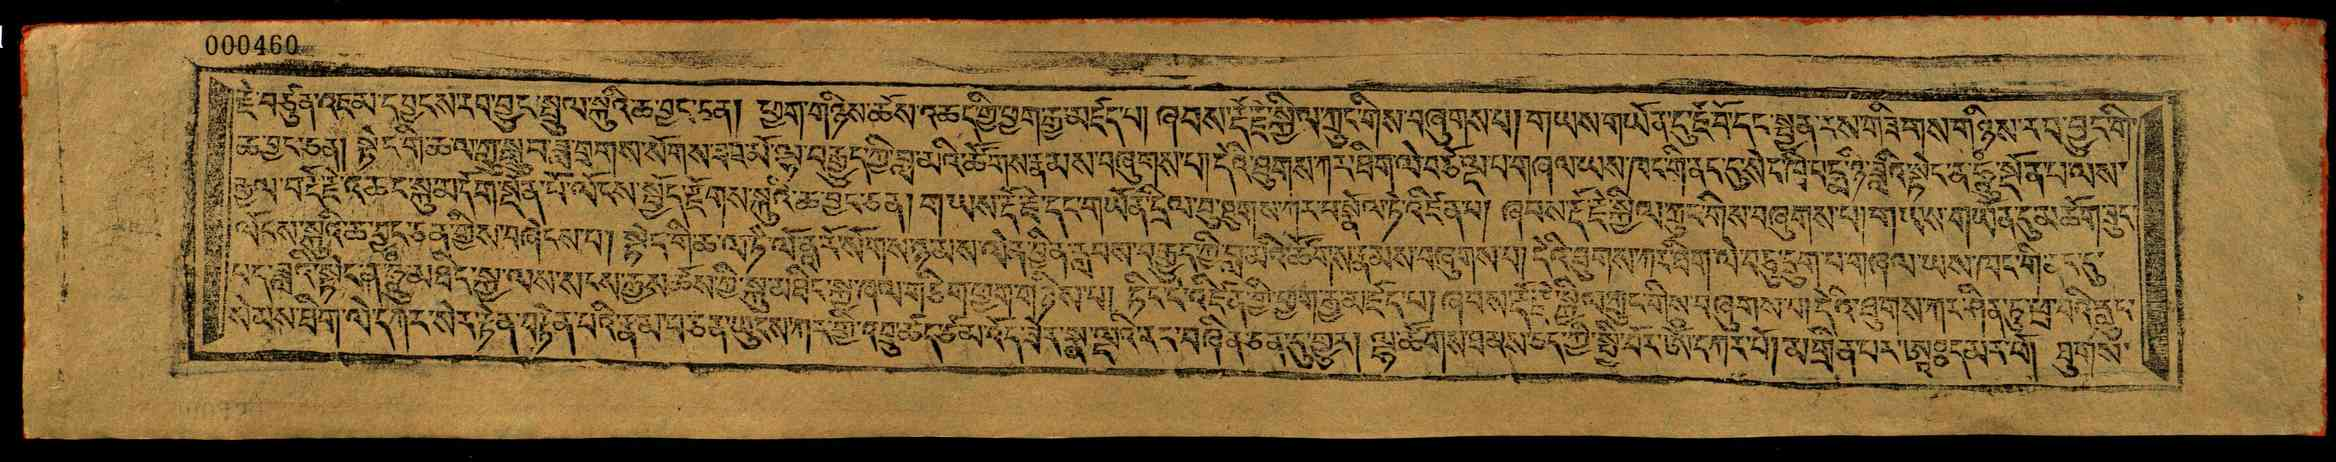རྗེ་བརྩུན་འཇམ་དབྱངས་རབ་བྱུང་སྤྲུལ་སྐུའི་ཆ་བྱང་ཅན། ཕྱག་གཉིས་ཆོས་འཆད་ཀྱི་ཕྱག་རྒྱ་མཛད་པ། ཞབས་རྡོ་རྗེ་སྐྱིལ་ཀྲུང་གིས་བཞུགས་པ། གཡས་གཡོན་དུ་ཇོ་བོ་དང་སྤྱན་རས་གཟིགས་གཉིས་རབ་བྱུང་གི་
ཆ་ཕྱད་ཅན། སྟེང་གི་ཆ་ལ་ཀླུ་སྒྲུབ་ཟླ་བྲགས་སོགས་ཟབ་མོ་ལྟ་བརྒྱུད་ཀྱི་བླ་མའི་ཚོགས་རྣམས་བཞུགས་པ། དེའི་ཐུགས་ཀར་ཐེག་ལེ་བཅོ་ལྔ་པ་གཞལ་ཡས་ཁང་གི་ནང་དུ་སེར་ཁྲི་པདམ་ཉི་ཟླའི་སྟེང་ན་ཧཱུཾ་སྔོན་པོ་ལས་
རྒྱལ་བ་རྡོ་རྗེ་འཆང་སྐུ་མདོག་སྔོན་པོ་ལོངས་སྤྱོད་རྫོགས་སྐུའི་ཆ་བྱད་ཅན། གཡས་རྡོ་རྗེ་དང་གཡོན་དྲིལ་བུ་ཐུགས་ཀར་བསྣོལ་ཏེ་འཛིན་པ། ཞབས་རྡོ་རྗེ་སྐྱིལ་ཀྲུང་གིས་བཞུགས་པ། གཡས་གཡོན་དུ་མཆོག་ཟུང་
ལོངས་སྐུའི་ཆ་བྱད་ཅན་གྱིས་བཞེངས་པ། སྟེང་གི་ཆ་ལ་ཏེ་ལོ་ན་རོ་སོགས་ཉམས་ལེན་བྱིན་རླབས་བརྒྱུད་ཀྱི་བླ་མའི་ཚོགས་རྣམས་བཞུགས་པ། དེའི་ཐུགས་ཀར་ཐིག་ལེ་བཅུ་དྲུག་པ་གཞལ་ཡས་ཁང་གི་ནང་དུ་
པད་ཟླའི་སྟེང་ན་ཧཱུཾ་མཐིང་སྐྱ་ལས་སངས་རྒྱས་ཆོས་ཀྱི་སྐུ་མཐིང་སྐྱ་ཞལ་གཅིག་ཕྱག་གཉིས་པ། ཏིང་ངེ་འཛིན་གྱི་ཕྱག་རྒྱ་མཛད་པ། ཞབས་རྡོ་རྗེ་སྐྱིལ་ཀྲུང་གིས་བཞུགས་པ། དེའི་ཐུགས་ཀར་ཤིན་ཏུ་ཕྲ་བའི་རླུང་
སེམས་ཐིག་ལེ་དཀར་སེར་རྟེན་བརྟེན་པའི་རྣམས་ཅན་ཡུངས་ཀར་གྱི་འབྲུ་ཚད་ཙམ་འོད་ཟེར་སྣ་ལྔའི་རང་བཞིན་ཅན་དུ་གྱུར། ལྷ་ཚོགས་ཐམས་ཅད་ཀྱི་སྤྱི་བོར་ཨོཾ་དཀར་པོ། མགྲིན་པར་ཨཱཿ དམར་པོ། ཐུགས་